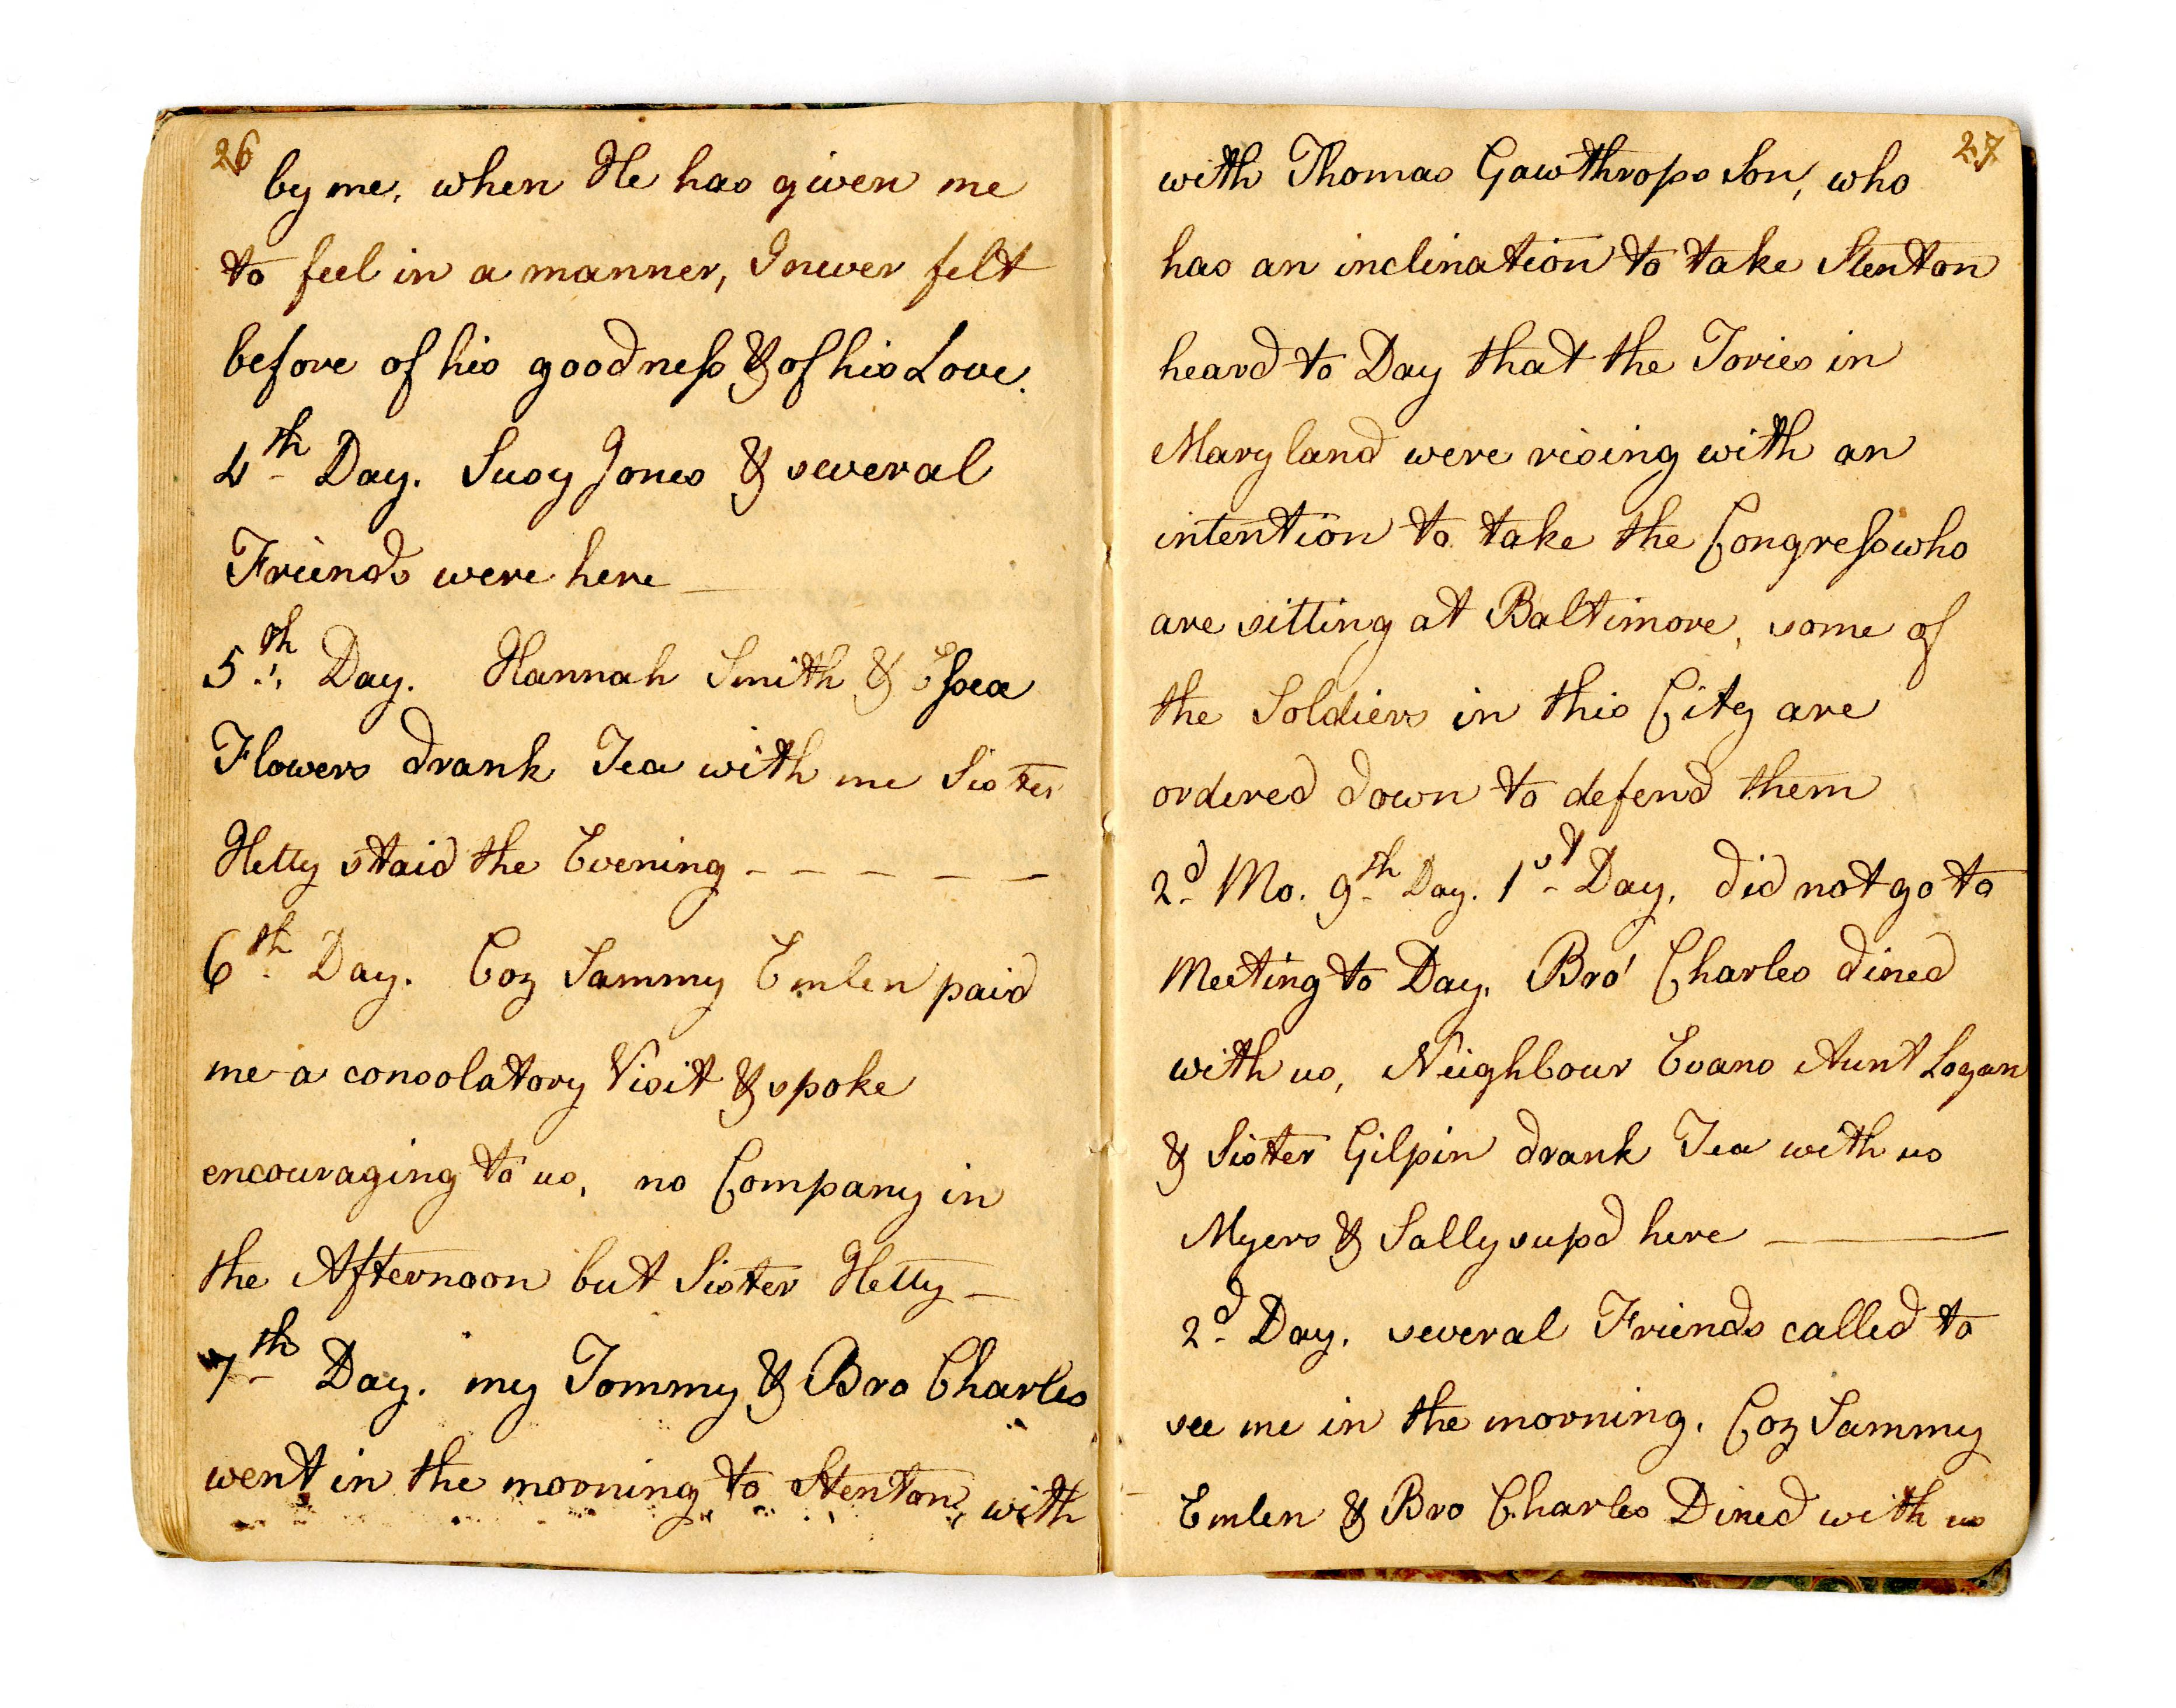by me, when He has given me
to feel in a manner, I never felt
before of his goodness & of his Love.
4^th Day. Susy Jones & several
Friends were here-
5^th Day. Hannah Smith & Essea
Flowers drank Tea with me Sister
Hetty staid the Evening -
6^th Day. Coz Sammy Emlen paid
me a consolatory Visit & spoke
encouraging to us, no Company in
the Afternoon but Sister Hetty-
7^th Day. my Tommy & Bro Charles
went in the morning to Stenton, with
with Thomas Gawthropes Son, who
has an inclination to take Stenton
heard to Day that the Tories in
Maryland were vising with an
intention to take the Congress who
are sitting at Baltimore, some of
the Soldiers in this City are
ordered down to defend them
2^d Mo 9^th Day. 1^st Day. did not go to
Meeting to Day. Bro' Charles dined
with us, Neighbour Evans Aunt Logan
& Sister Gilpin drank Tea with us
Myers & Sally supd here-
2^d Day. several Friends called to
see me in the morning, Coz Sammy
Emlen & Bro Charles Dined with us